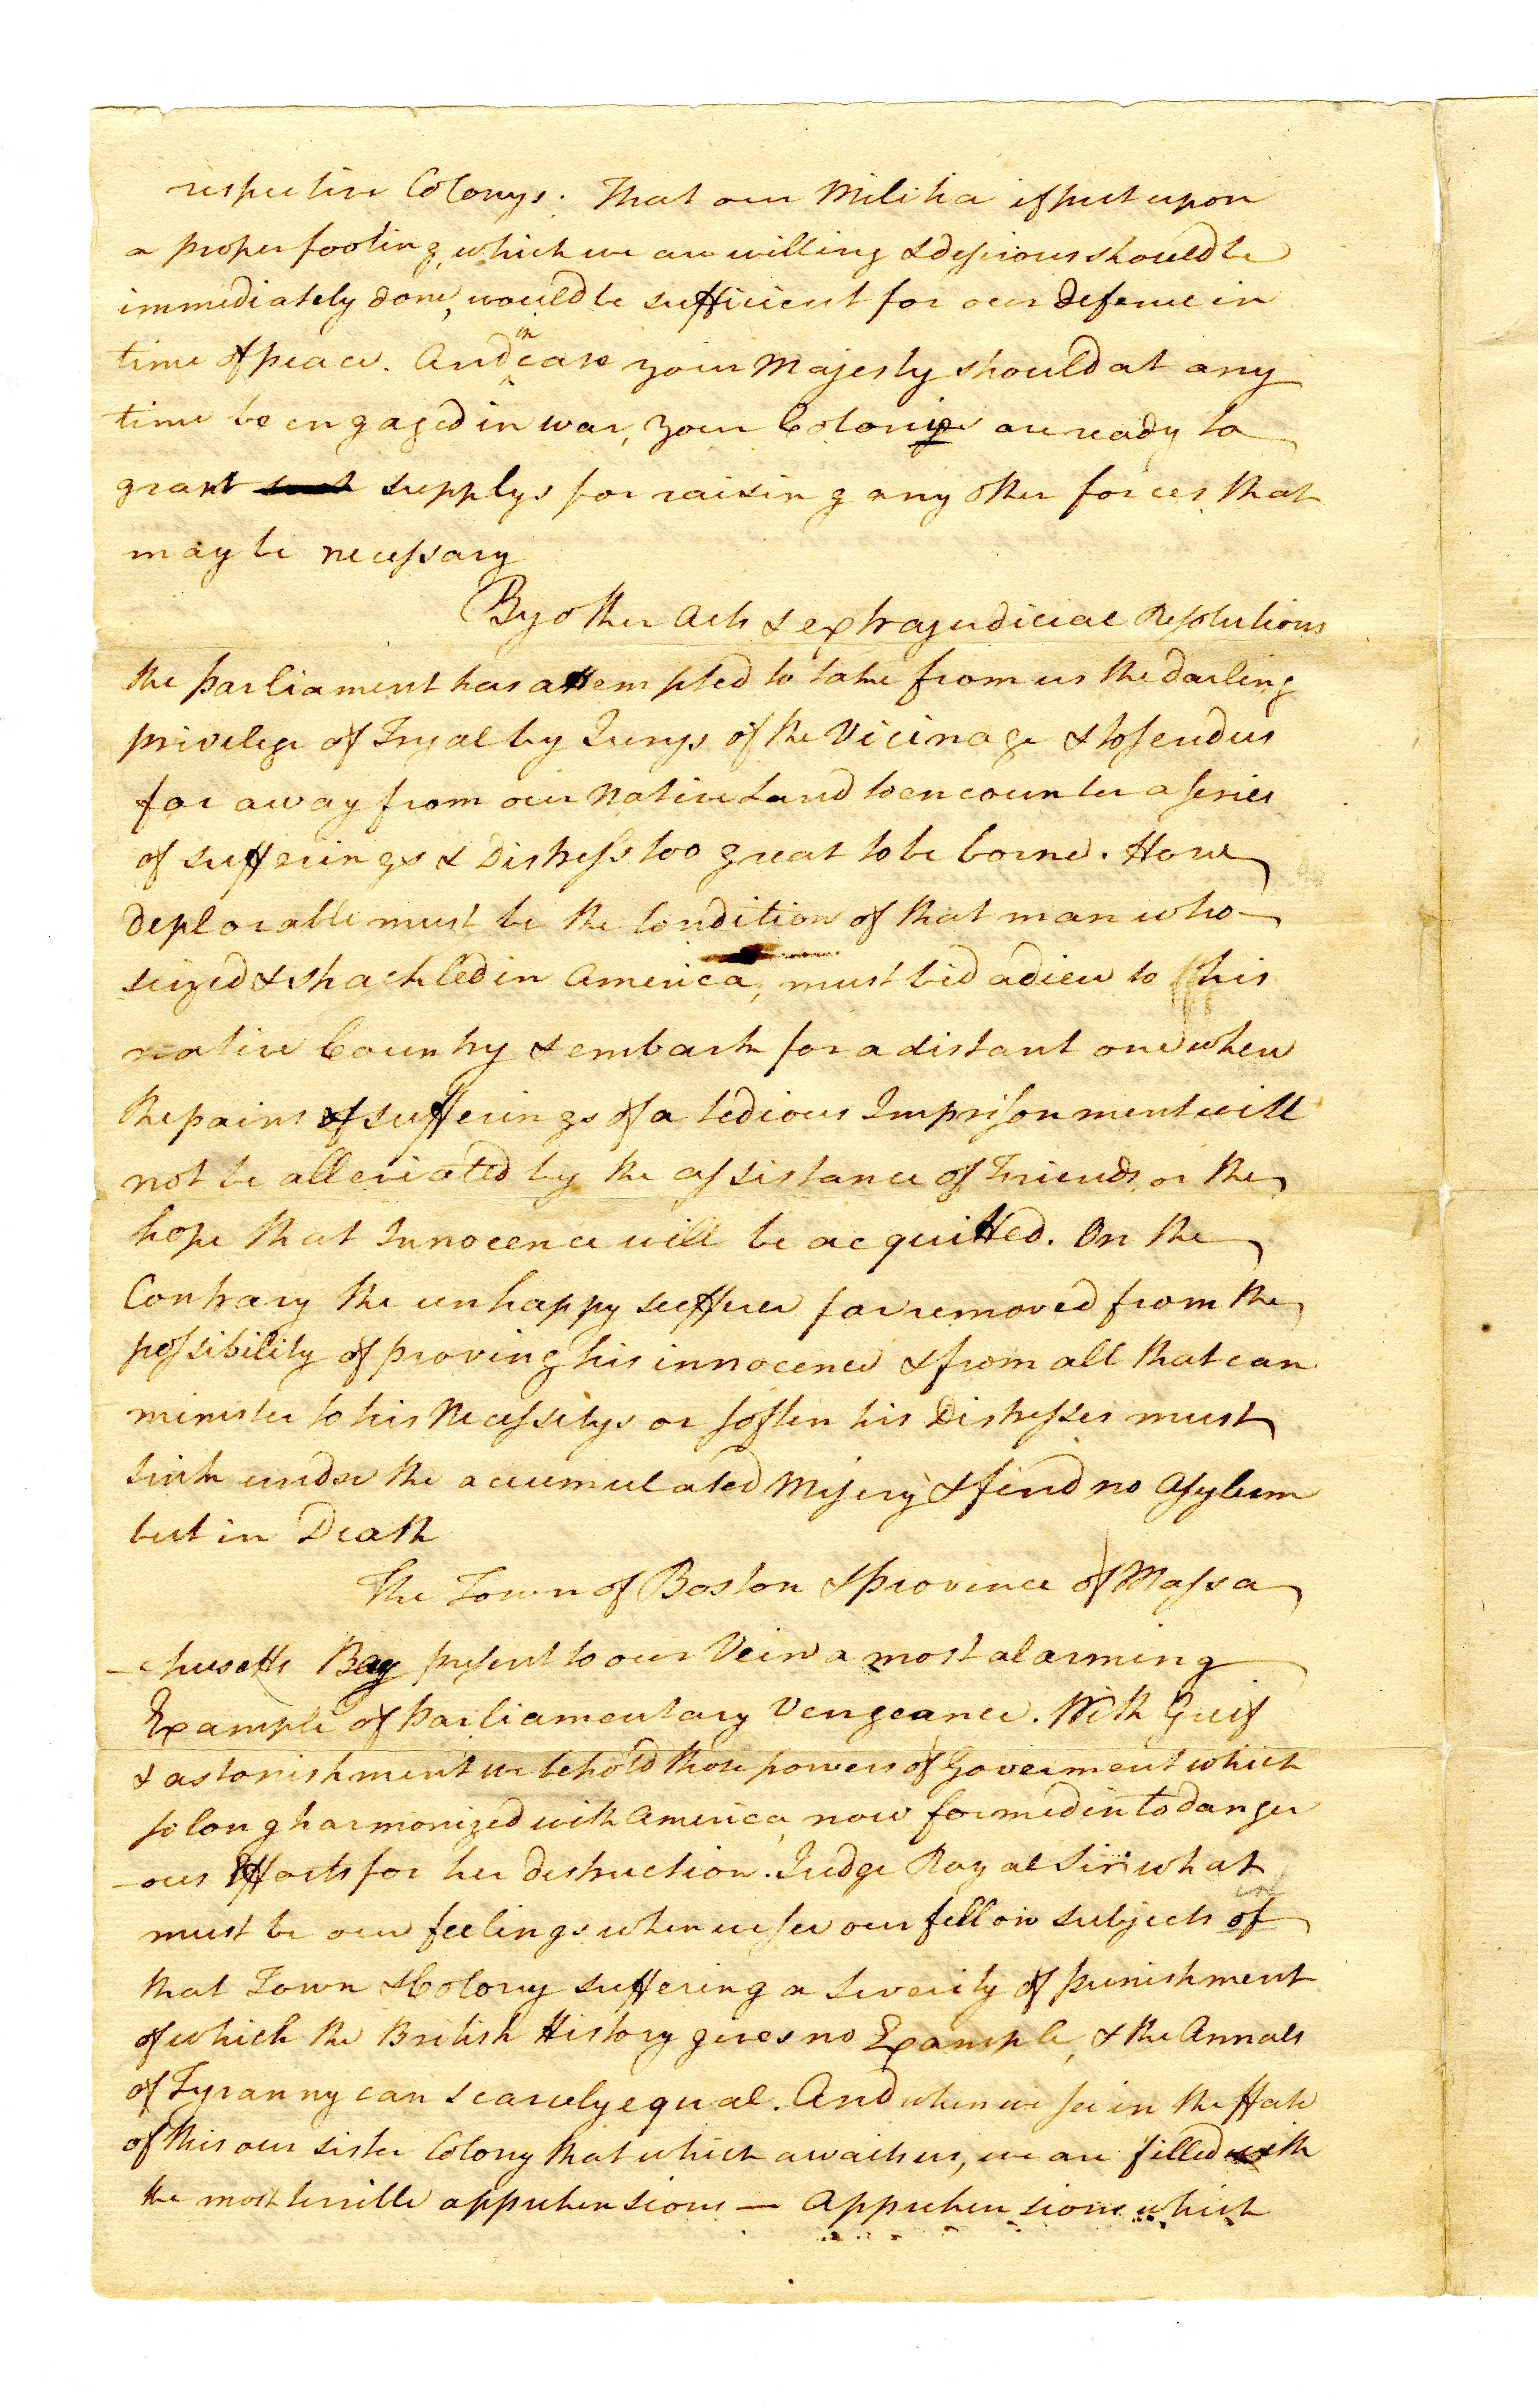respective Colonys. That our Militia is put upon
a proper footing, which we are willing & desirous should be
immediately done, would be sufficient for our Defence in
time of peace. And ^in case your Majesty should at any
time be engaged in war, your Colonys are ready to
grant supplys for raiding any other forces that
may be necessary
By other Acts extrajudicial Resolutions
the parliament has attempted to take from us the darling
privelege of Tryal by Jurys of the Vicinage & to send us
far away from our Native Land to encounter a series
of Sufferings & Distress too great to be borne. How
deplorable must be the Condition of that man who-
seized & shackled in America, must bid adieu to this
native Country & embark for a distant one when
the pains of Sufferings of a tedious Imprisonment will
not be all alleviated by the assistance of Friends or the
hope that Innocence will be acquitted. On the
Contrary the unhappy sufferer far removed from the
possibility of proving his innocence & from all that can
minister to his Necessitys or soften his Distresses must
sink under the accumulated Misery & find no Asylum
but in Death
The Town of Boston & Province of Massa
-chusetts Bay present to our Vein a most alarming
Example of Parliamentary Vengeance. With Greif
& astonishment we behold those powers of Goverment which
so long harmonized with America, now formed in to danger
-ous Efforts for her destruction. Judge Royals in what
must be our feelings when we see our fell ow subjects of
that Town & Colony suffering a Severity of punishment
of which the British History gives no Example & the Annals
of Tyranny can scarcely equal. And when we see in the state
of this our sister Colony that which awaits us, we are filled with
the most terrible apprehensions- Apprehensions which